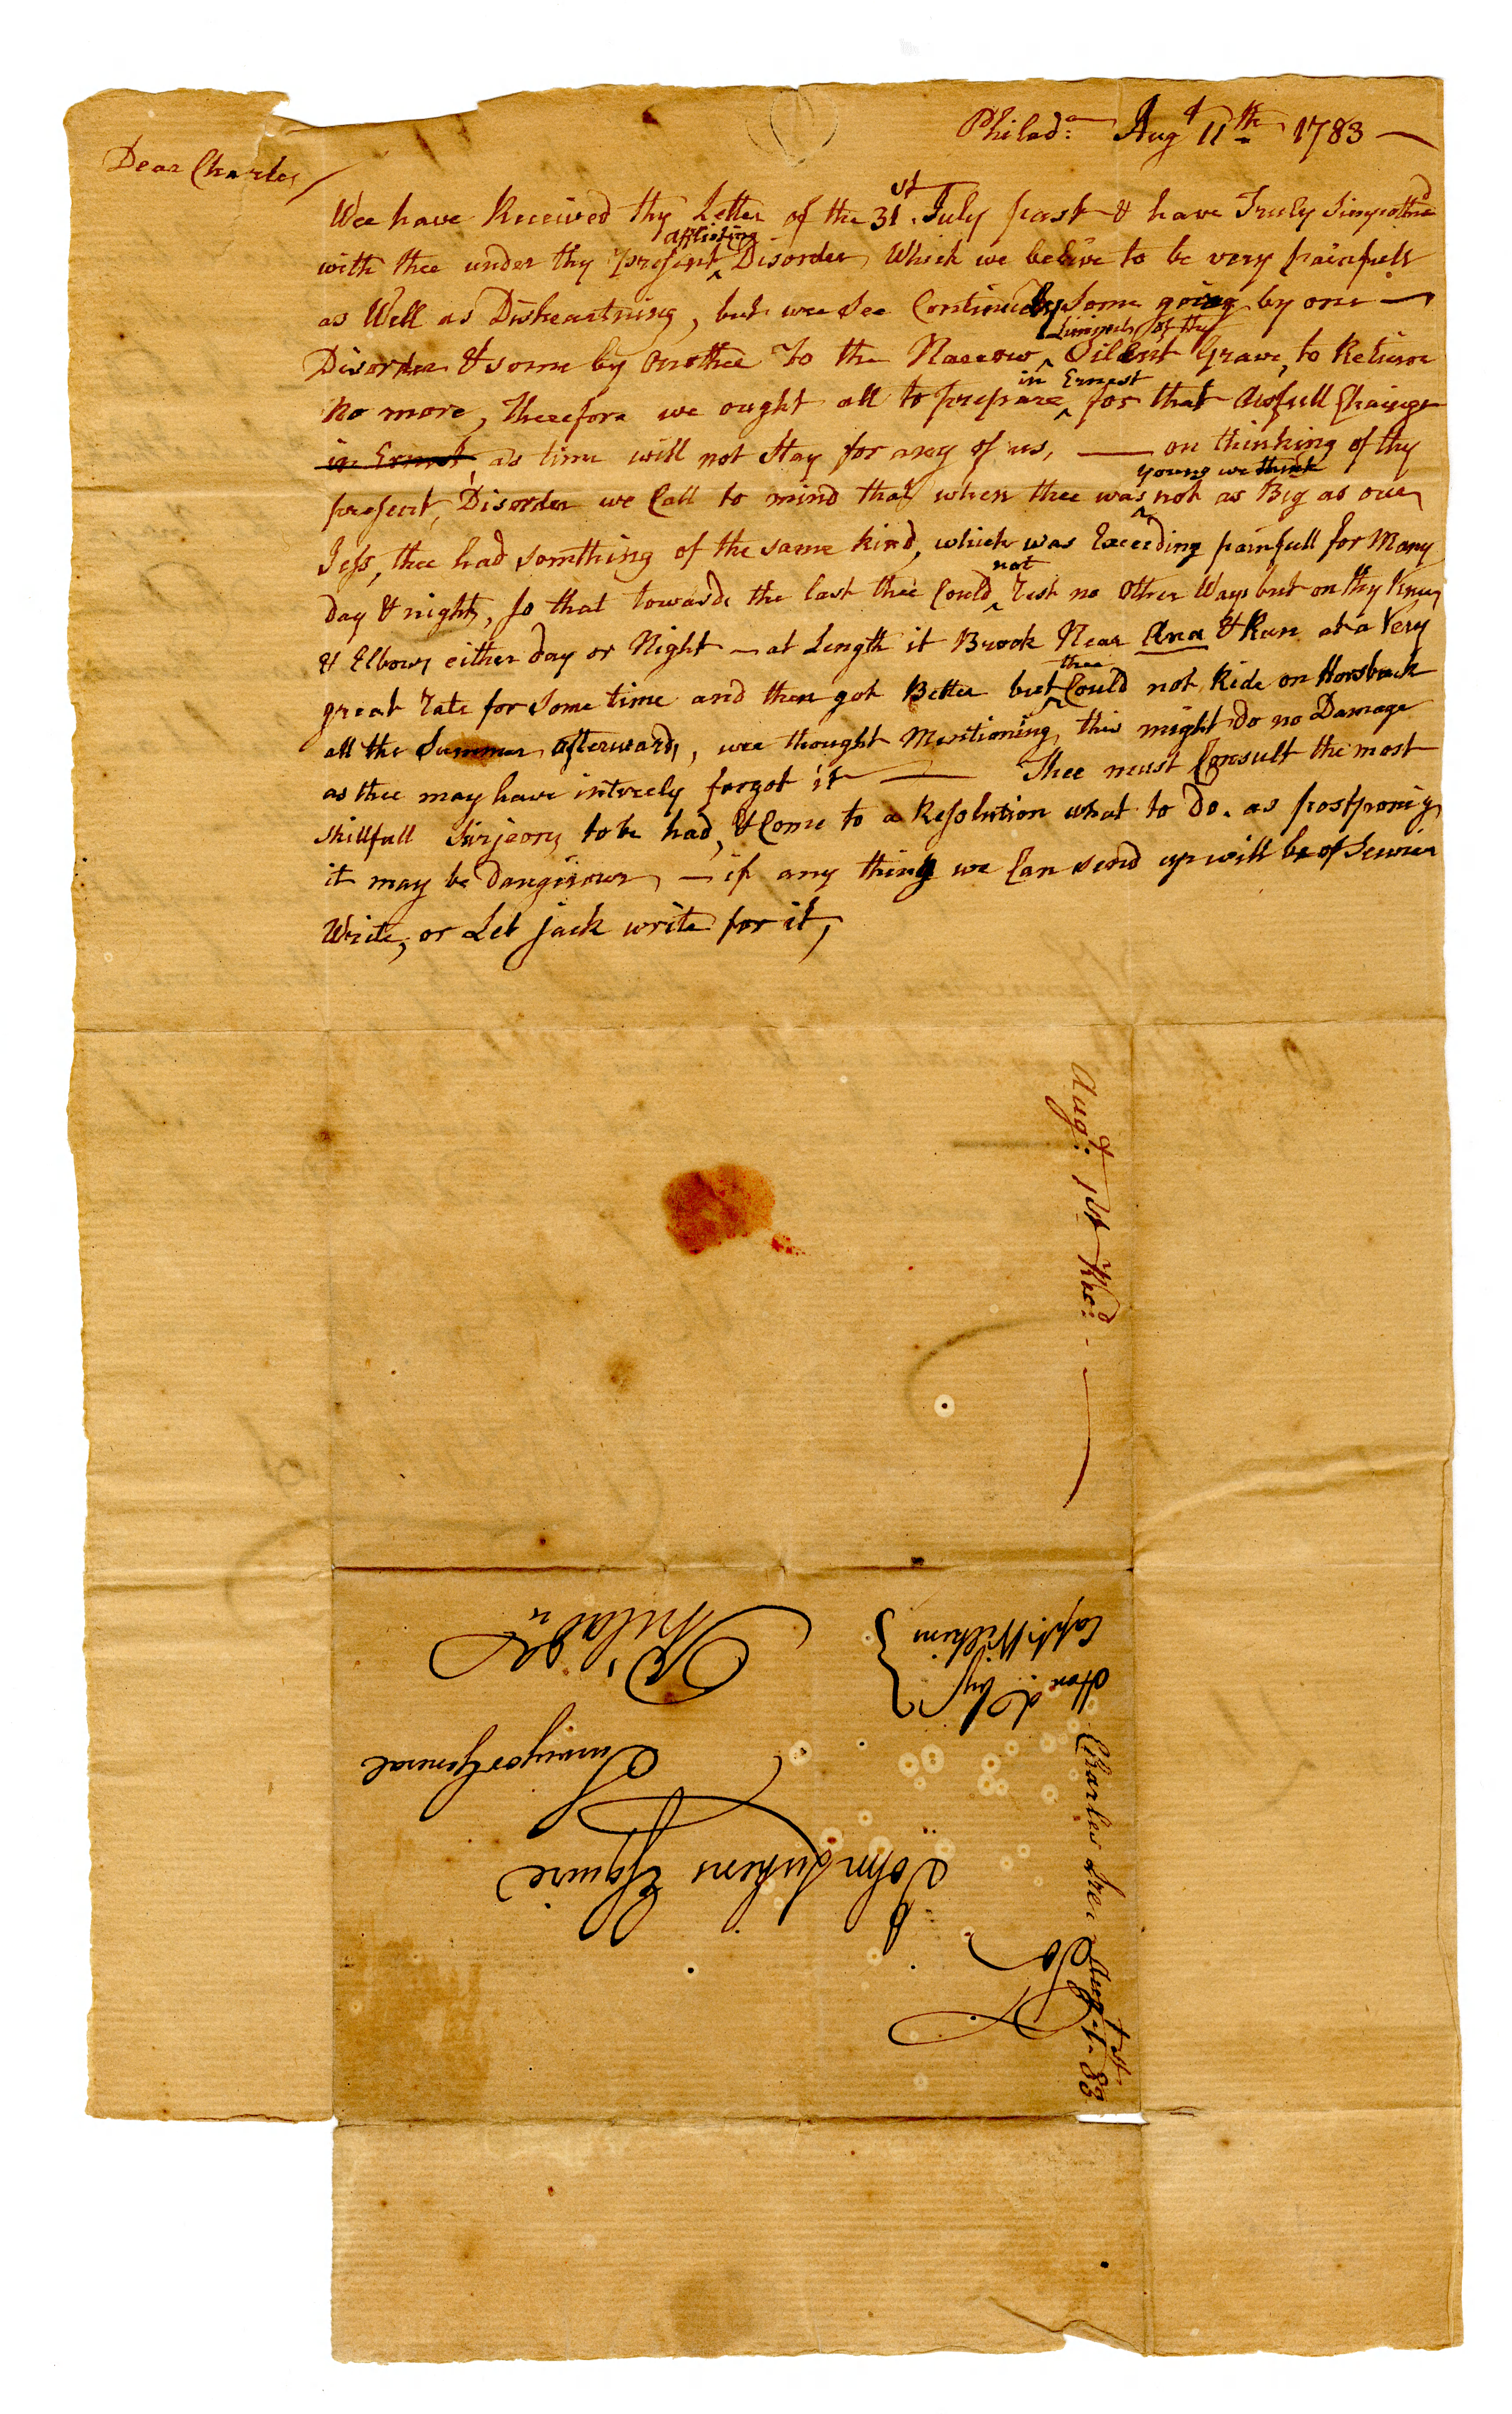Philad^a: Aug^t 11^th. 1783-
Dear Charles
Wee have Received thy Letter of the 31^st. of July past & have Truly simpathie^d
afflicting
with thee under they present ^ Disorder Which we believe to be very painfull
as well as Disheartning, but we See continuely some going by one-
Livingness of the
Disorder & some by another To the Narrow ^ illest Grawe, to Retiusors
in Ernest
no more, Therefore we ought all to prepare ^ for that Awfull Elrange
[in Ernest] as time will not Stay for away of us, - on thinking of thy
young we think
present Disorder we Call to mind that when thee was ^ not as Big as our
Jess, thee had something of the same kind, which was Exceeding painfull for Many
not
day & nights, so that towards the last thee could ^ rest no other Ways but on thy knees
& Elbows either day or night- at Length it Brook Near Ana & Reen at a Very
thee
great rate for some time and then got Better but ^ Could not ride on Horseback
all the Summer afterwards, wee thought Mentioning this might do no Damage
as thee may have intirely forgot it- Thee must Consult the most
skillfull Surjeory to be had, & Come to a Resolution what to do, as postponing
it may be dangerous-if any thing we can send up will be of service
write, or Let jack write for it
To
John Lukens Esquire
Surveyor General
Philad.^a
Hon.^d by
Cap^n. Wilkins
Aug^t: 16^th Rec^d:-
Charles Lre. Aug^t. ./. 83